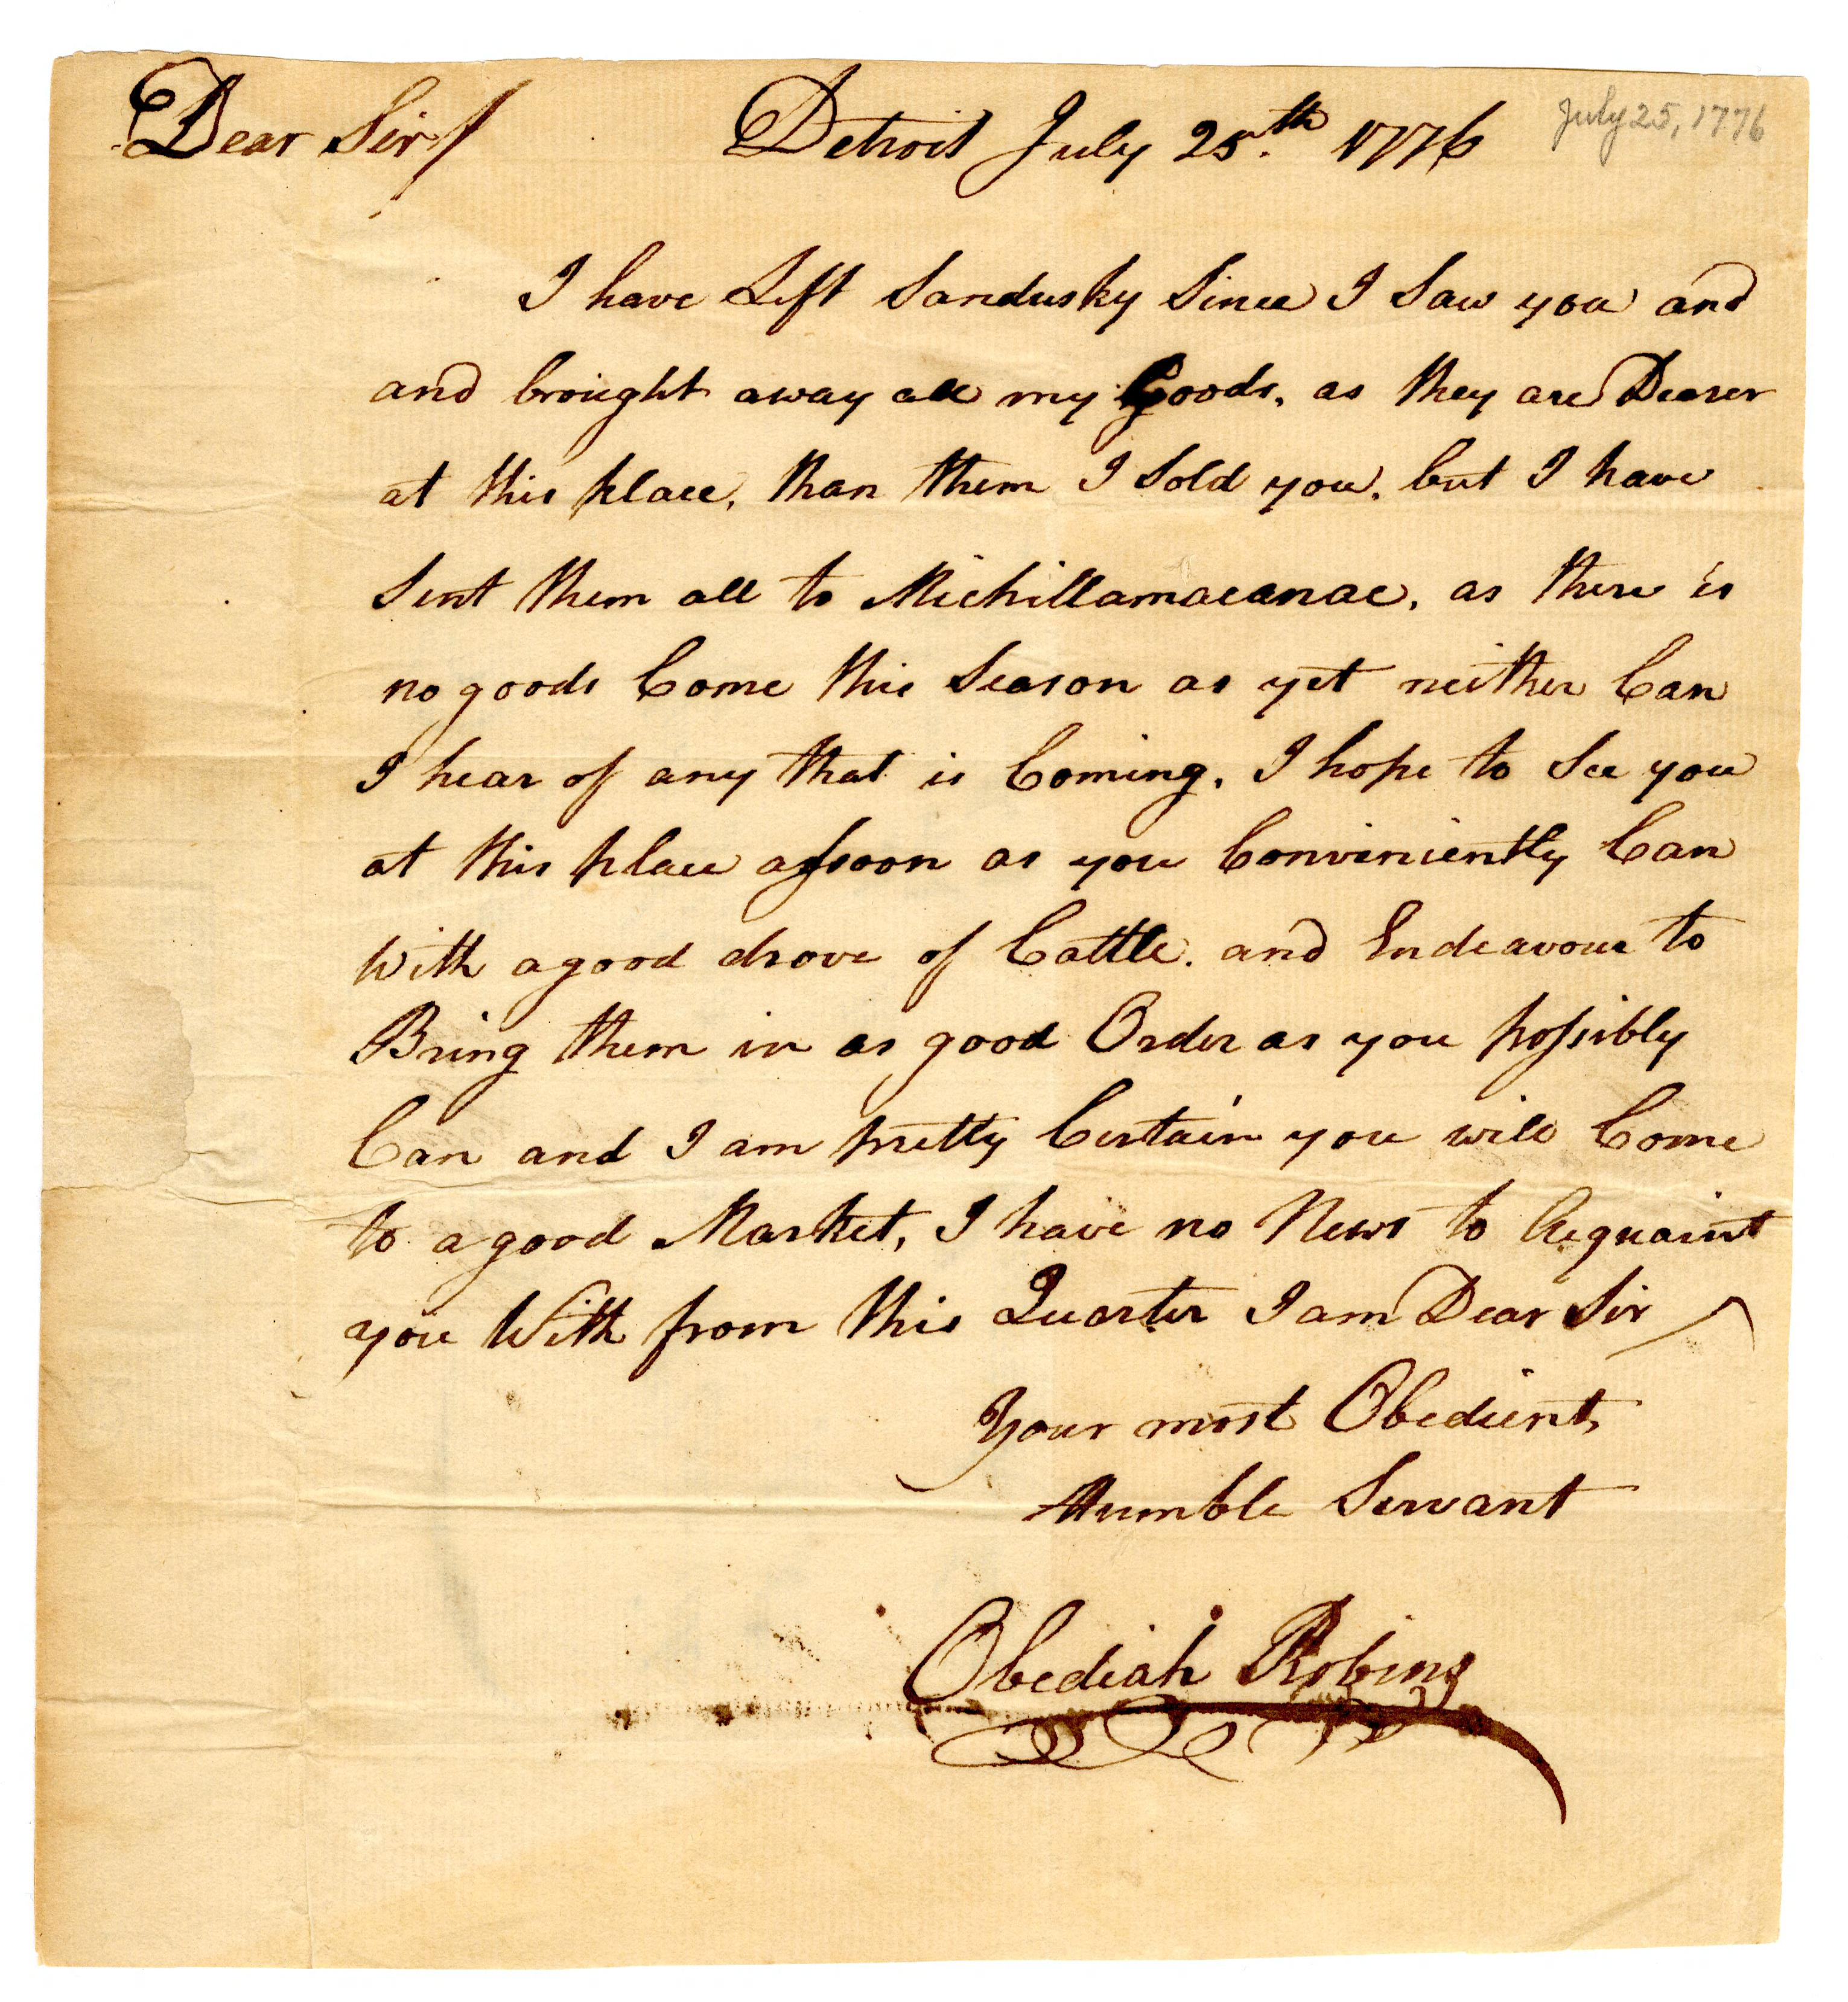Detroit July 25^th. 1776
Dear Sirs
I have Left Sandusky Since I Saw you and
and brought away all my Goods, as they are Dearer
at this place, than them I Sold you, but I have
Sent them all to Michillamacanac, as there is
no goods Come this Season as yet neither Can
I hear of any that is Coming, I hope to See you
at this place as soon as you Conveniently Can
with a good drove of Cattle and Endeavour to
Bring them in as good Order as you possibly
Can and I am pretty Certain you will Come
to a good Market, I have no News to Acquaint
you With from this Quarter I am Dear Sir
Your most Obedient,
Humble Servant
Obediah Robins